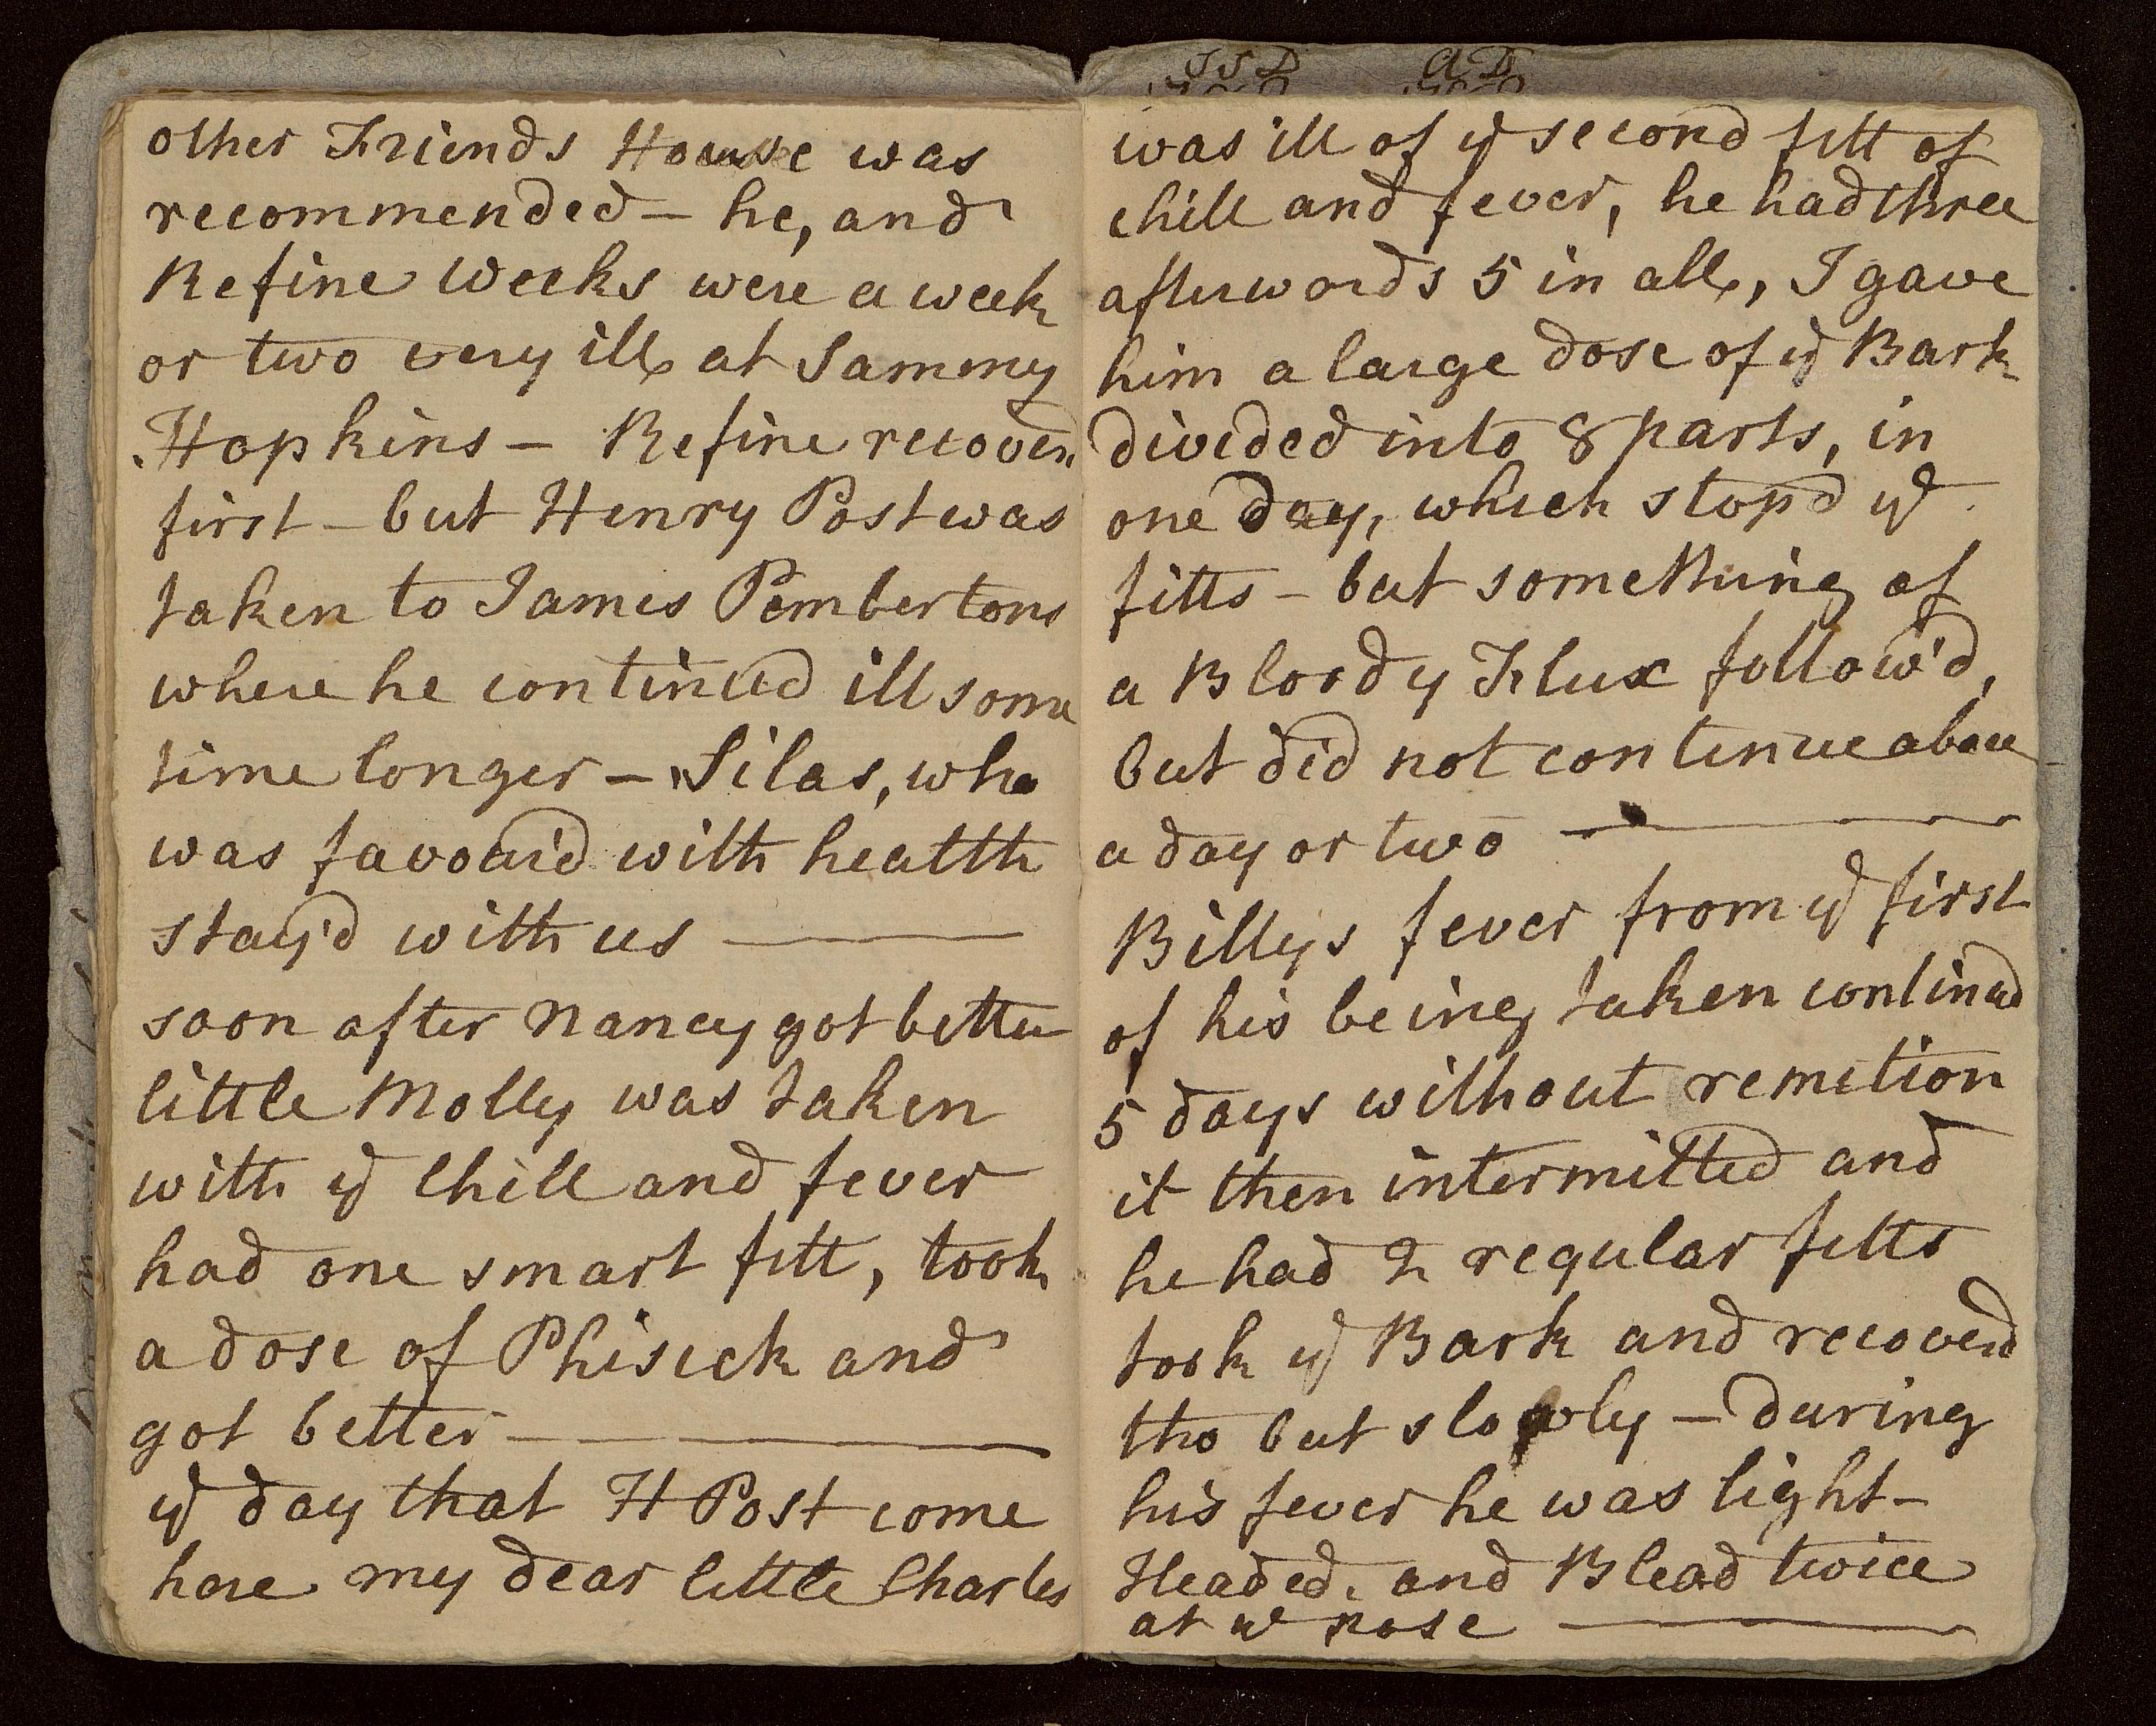other Friends House was
recommended- he, and
Refine Weeks were a week
or two very ill at Sammy
Hopkins- Refine recoverd
first- but Henry Post was
taken to James Pembertons
where he continued ill some
time longer- Silas, who
was favour'd with heatth
Stay'd with us
soon after Nancy got better
little Molly was taken
with y^e chill and fever
had one smart fitt, took
a dose of Phisick and
got better-
y^e day that H Post come
here my dear little Charles
was ill of y^e second fitt of
chill and fever, he had three
afterwards 5 in all, I gave
him a large dose of y^e Bark
divided into 8 parts, in
one day, which stopd y^e
fitts- but something of
a Bloody Flux follow'd,
but did not continue abou
a day or two -
Billys fever from y^e first
of his being taken continud
5 days without remition
it then intermitted and
he had 2 regular fitts
took y^e Bark and recoverd
tho but slowly- during
his fever he was light-
Headed, and Blead twice
at y^e Nose